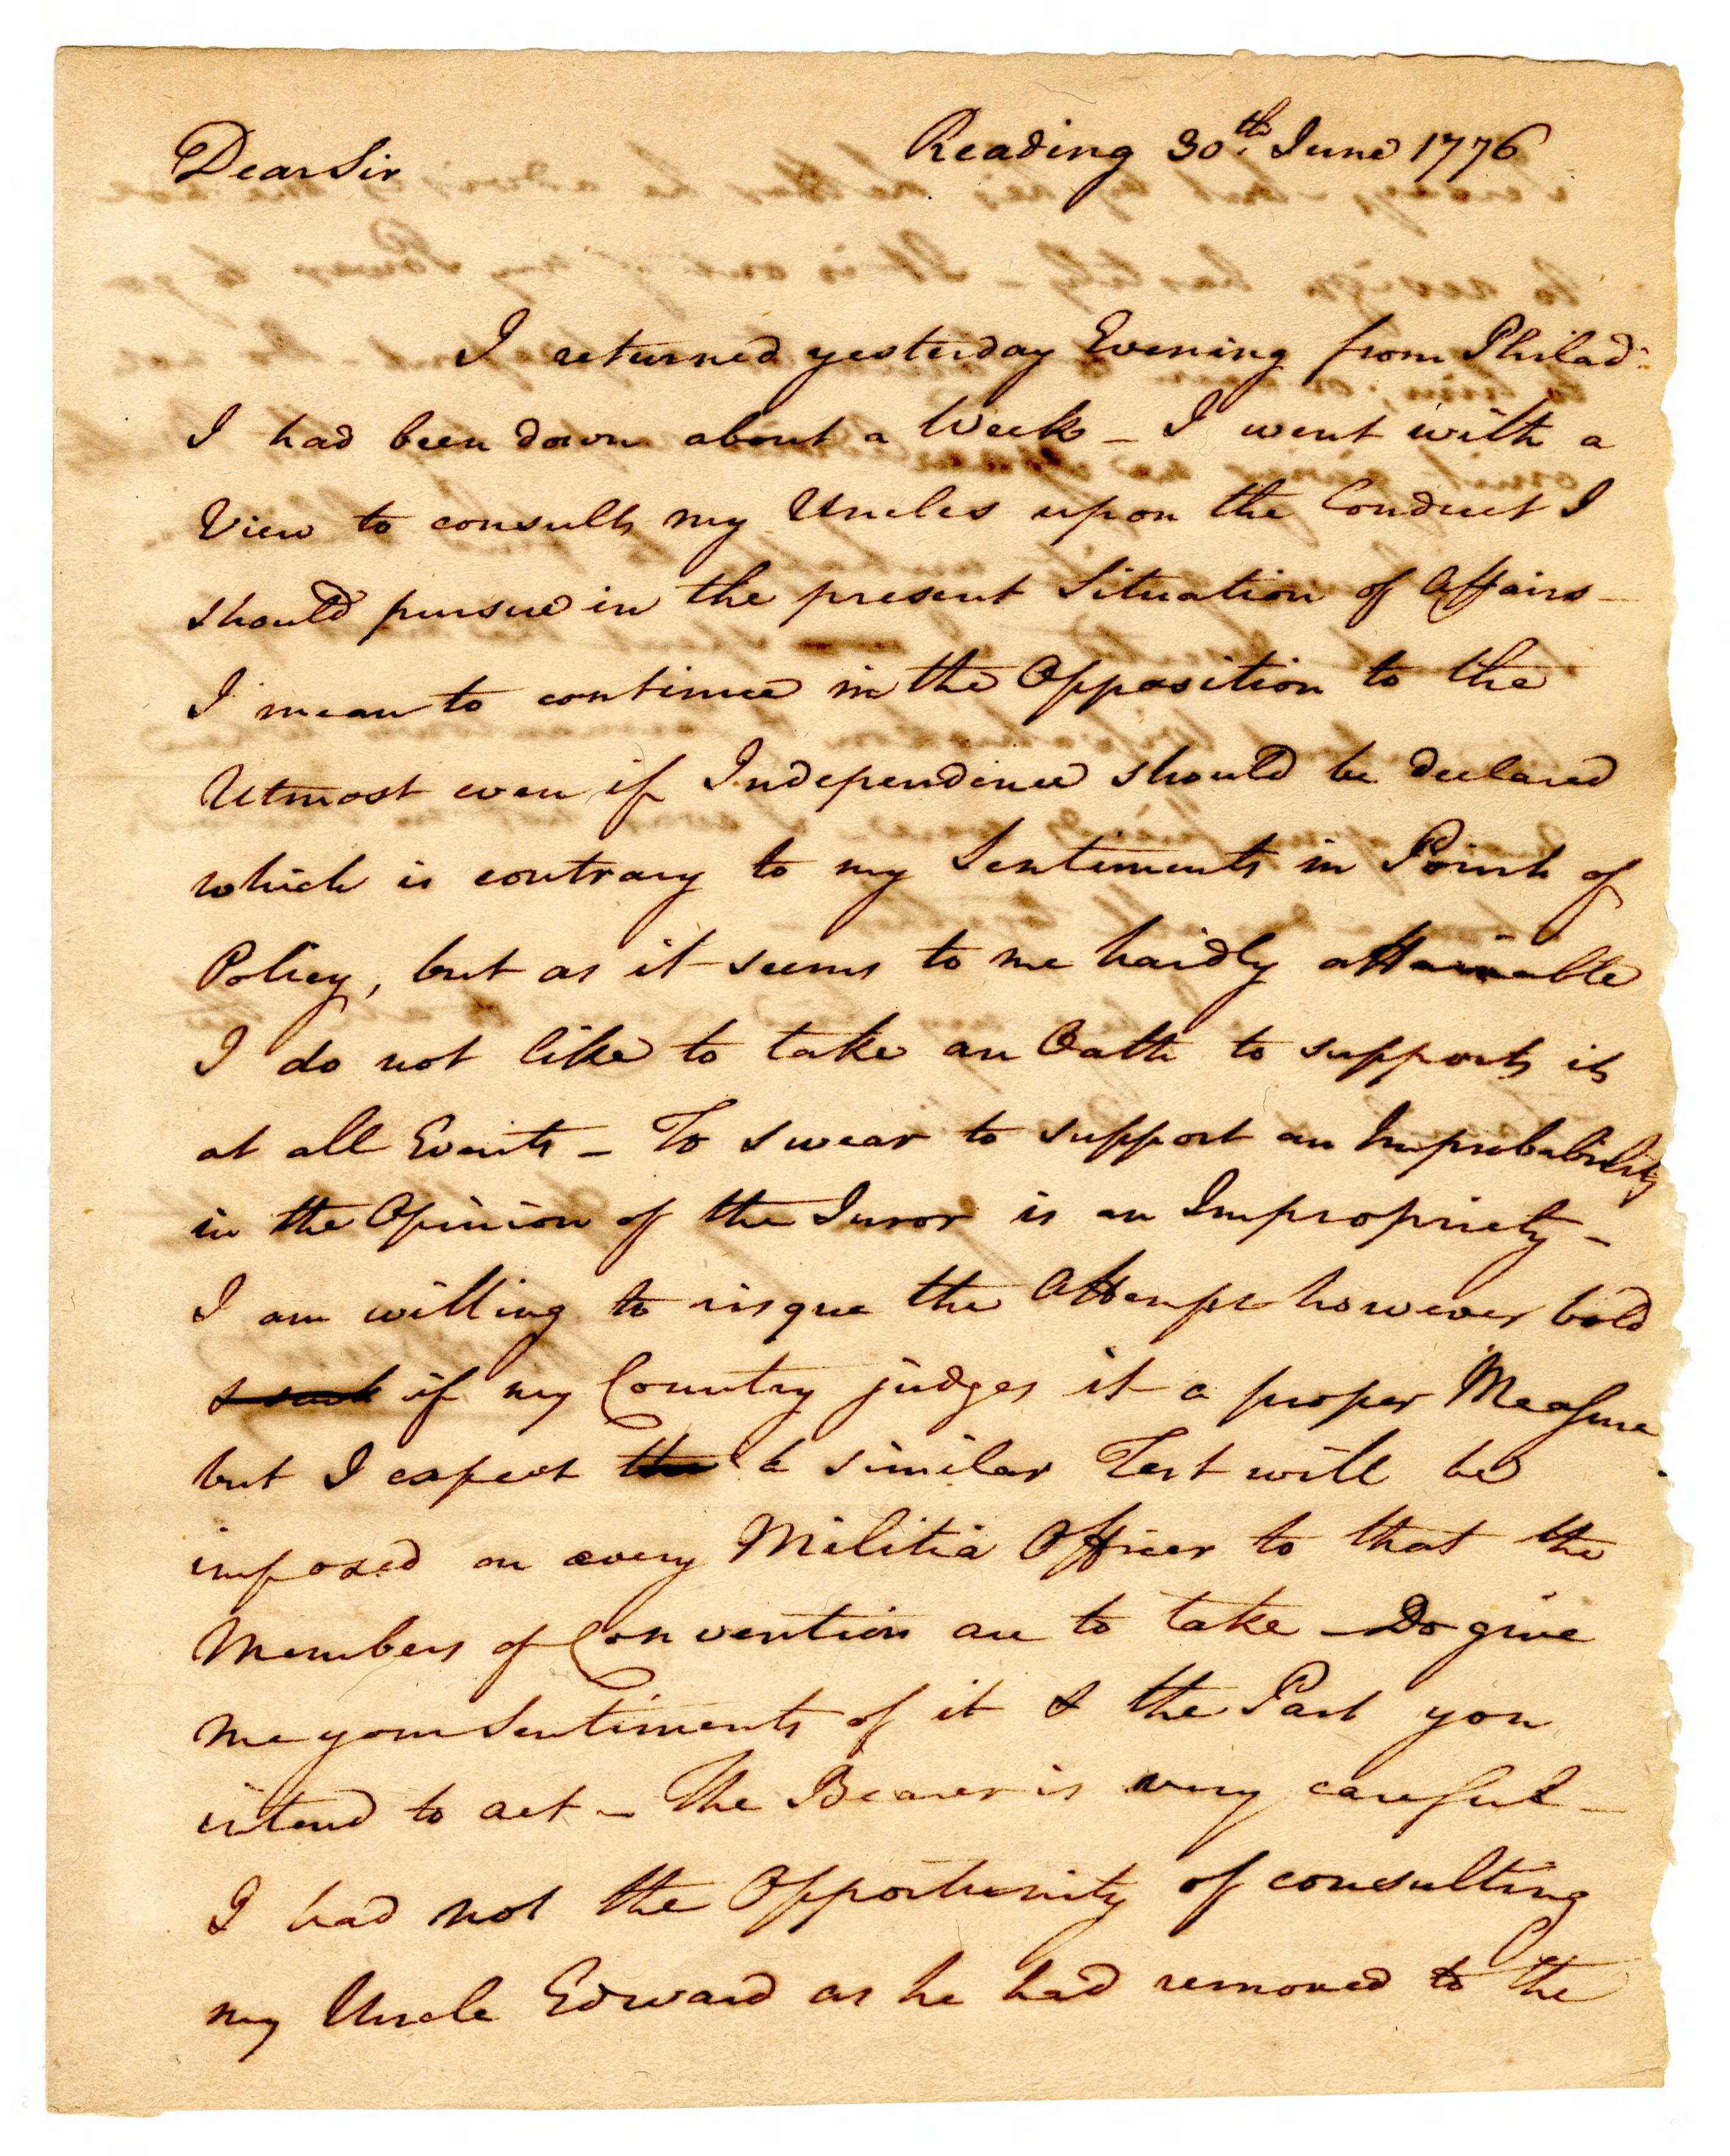Reading 30^th June 1776
Dear Sir
I returned yesterday Evening from Philad^a
I had been down about a Week. I went with a
View to consult my Uncles upon the Conduct I
should pursue in the present Situation of Affairs.
I mean to continue in the Opposition to the
Utmost even if Independence should be declared
which is contrary to my Sentiments in Point of
Policy, but as it seems to me hardly assailable
I do not like to take an Oath to support it
at all Events. To swear to support an Improbability
in the Opinion of the Juror is an Impropiety.
I am willing to risque the attempt however bold
& such if my Country judges it a proper Measure
but I expect that a similar Test will be
imposed on every Militia Officer to that the
Members of Convention are to take. Do give
me your Sentiments of it & the Part you
intend to act. The Beaver is very careful.
I had not the Opportunity of consulting
my Uncle Edward as he had removed to the